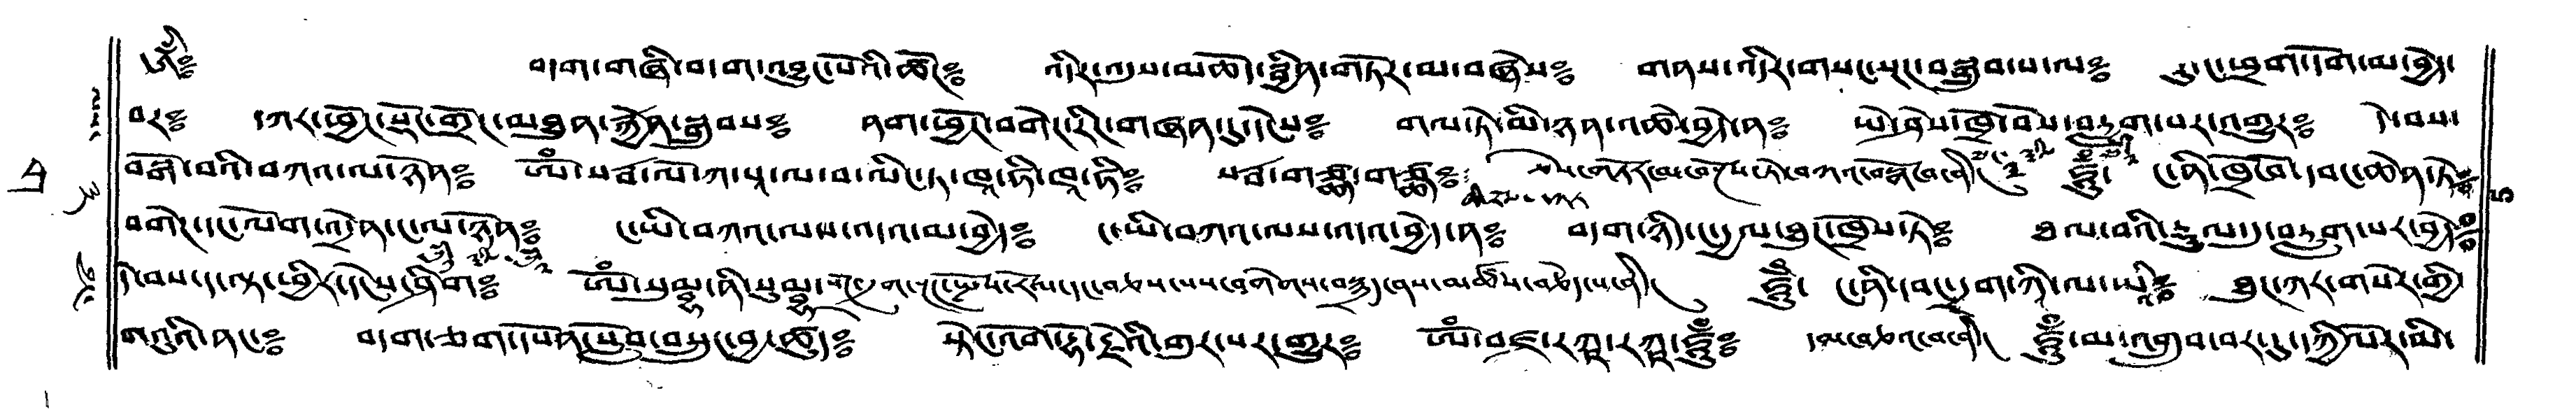བདག་གཞི་བདག་འབྱུང་པོའི་ཚོགས༔ འདིར་འདུས་མཆོད་སྦྱིན་གཏོར་མ་བཞེས༔ གནས་འདིར་གསང་སྔགས་བསྒྲུབ་པ་ལ༔ རུ་ང་ཕྲག་དོག་མ་བྱེད་
བར༔ དཀར་ཕྱོགས་སྡོང་གྲོགས་མཐུན་རྐྱེན་སྒྲུབས༔ནག་ཕྱོགས་བགེགས་རིགས་གཞན་དུ་དེངས༔ གལ་ཏེ་མི་ཉན་འཚེ་བྱེད་ན༔ ཡེ་ཤེས་ཁྲོ་བོས་བརླག་པར་འགྱུར༔ དེ་བས་
སྒོ་བའི་བཀའ་ལ་ཉོན༔ ཨོཾ་སརྦ་ལོ་ཀ་པཱ་ལ་བ་ལིང་ཏ་ཁཱ་ཧི་ཁཱ་ཧི༔ སརྦ་གཙ་ཚད་གཙྪ་༔ ཅེས་གཏོར་མ་བསྔོས་ཏེ་བཀའ་བསྒོ་བ་ནི། ཧཱུྃ༔ ང་ནི་ཁྲོ་བོ་དབང་ཆེན་ཏེ༔ 
བགེགས་དང་ལོག་འདྲེན་ང་ལ་ཉོན༔ ང་ཡི་བཀའ་ལས་འདའ་མ་བྱེད༔ ང་ཡི་བཀའ་ལས་འདའ་བྱེད་ན༔ བདག་ཉིད་ང་རྒྱལ་ཐུགས་ཁྲོས་ཏེ༔ ཐལ་བའི་རྡུལ་དུ་བརླག་པར་བྱེད༔ 
དེ་བས་ད་ལྟ་ཕྱིར་དེངས་ཤིག༔ ཨོཾ་སུམྦྷ་ནི་སུམྦྷ་སོགས་དྲག་སྔགས་སྤོས་རོལ་དང་བཅས་པས་བགེགས་བསྐྲད་ནས་མཚམས་བཅད་པ་ནི། ཧཱུྃ༔ ང་ནི་དབང་དྲག་ཀི་ལ་ཡའི༔ ཐུགས་ཀར་གསེར་གྱི་
གའུའི་ནང༔ བདག་ཅག་དཔོན་སློབ་བསྲུང་བྱ་ཚུད༔ སྟེང་འོག་རྡོ་རྗེའི་གུར་སར་གྱུར༔ ཨོཾ་བཛྲ་རཀྵ་རཀྵ་ཧཱུྃ༔ དམ་བཅའ་བ་ནི། ཧཱུྃ་མ་འགྲུབ་བར་དུ་དཀྱིལ་འཁོར་མི་